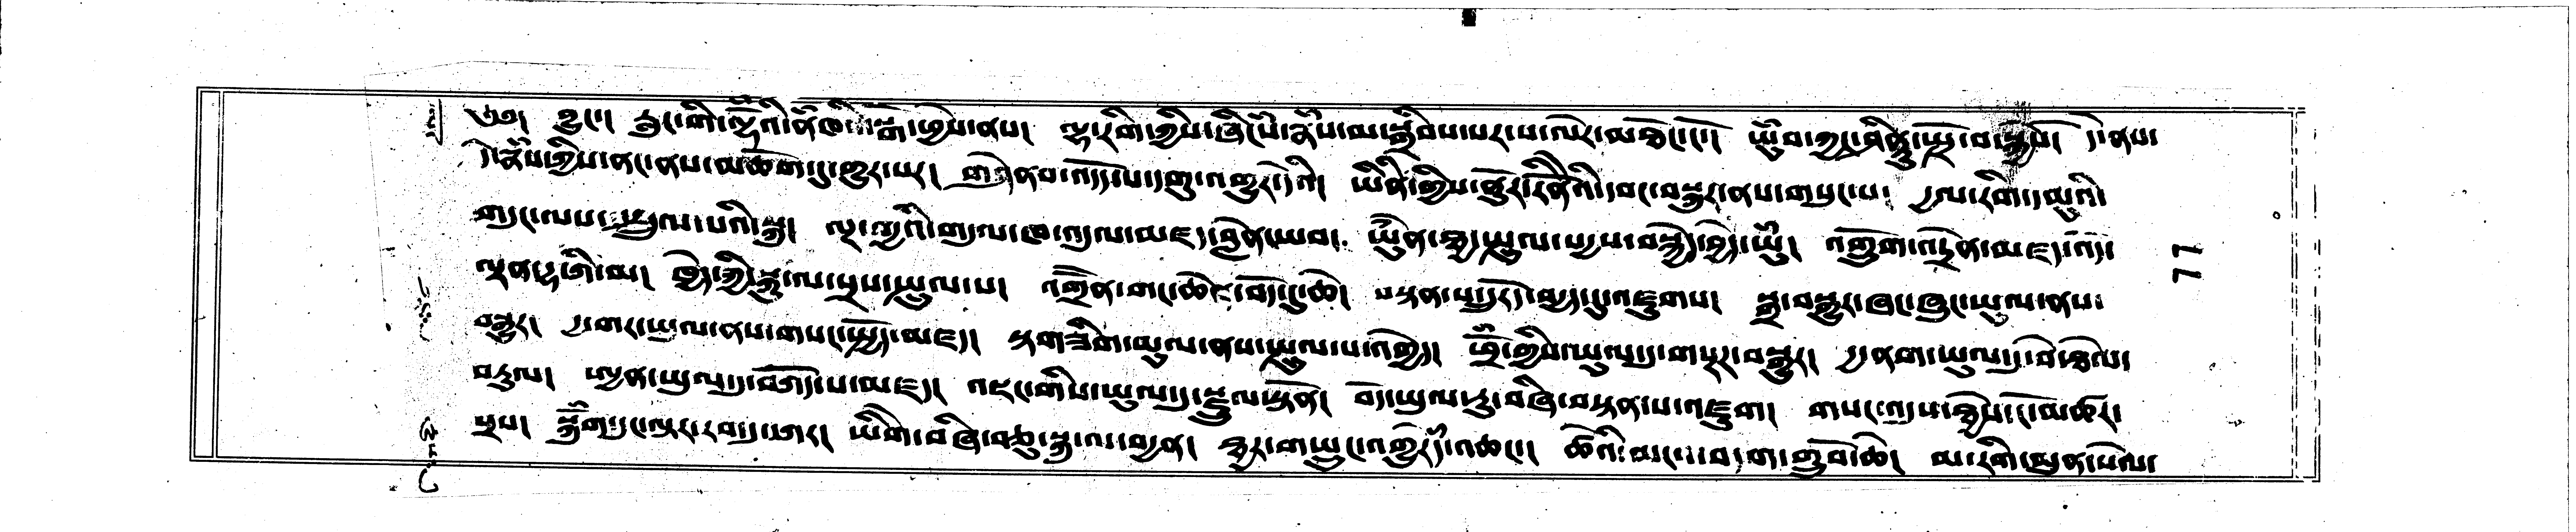བྱུང་། རླུང་གི་ལྷ་མོའི་ནམ་མཁའི་སྒོ་ཕྱེས་ནས། ལྷ་རིགས་ཀྱིས་ཞིང་ཁམས་རྣམས་ལ་མ་བསྒྲིབས་པར་སལེ་མཐོང་ངོ་། ཡབ་ཡུམ་ཀྱང་ཤིན་ཏུ་སྤྲོ་བ་སྐྱེས་སོ། དེ་ནས་
དེ་རྣམས་ཀྱི་ནང་ནས་མཆོིག་ཏུ་གྱུར་པར། གཤེན་རབ་འདོད་པ་དགུ་འགྱུར་དེའི། ཡིད་བཞིན་ནོར་བུ་རིན་པོ་ཆེའི་དབང་བསྐུར་ནས་གསུངས་པ། རྒྱལ་རིགས་དམུ་ཡིོ་
གདུང་ལས་སྤྲུལ་པའི་སྐུ། ལྔ་བརྒྱའི་གདུལ་དཀའ་འདུལ་མཛད་བླ་ཆེན་ཡབ། ཡུམ་ཆེན་ཐུགས་སྤྲུལ་སངས་རྒྱས་བསྐྱེད་བྱེད་ཡུམ། འགྲོ་དྲུག་འདྲེན་མཛད་འོད་
ལྡན་དྷ་ཀི་མ། ཁྱེད་ཀྱི་སྐུ་ལ་སྲས་སྤྲུལ་པ། འགྲོ་དོན་གང་ཆེན་བོད་དུ་ཆེ། བསྟན་པ་དུར་ཁྲོད་བརྒྱད་དུ་འཛུགས། སྒྲ་སྒྱུར་ཞང་ཞུང་ཡུལ་ནས་
བསྒྱུར། རྒྱ་གར་ཡུལ་ནས་གསང་སྤྱོད་མཛད། སྟག་གཟིག་ཡུལ་ནས་སྤྲུལ་པ་བསྐྱེད། ཕྲོམ་གྱི་ཡུལ་དུ་གསང་སྔགས་བསྒྱུར། རྒྱ་ནག་ཡུལ་དུ་བེ་ཐེལ་
བཏུལ། ཨོ་རྒྱན་ཡུལ་དུ་བཀོད་པ་མཛད། འཇང་གི་ཡུལ་དུ་རྫུ་འཕྲུལ་སྟོན། བོད་ཡུལ་རུ་བཞི་བསྟན་པ་འཛུགས། གསང་འདུས་ཐུགས་རྗེ་ངོ་མཚར་
སྲས། སྐུ་མདོག་དུང་ལྟར་རབ་ཏུ་དཀར། ཡི་གེ་བཞི་བཅུ་སྐུ་ལ་བརྒྱན། ཐུགས་ཀར་གཡུང་དྲུང་འགྱུར་མེད་འཆང་། ཚེའི་མངའ་བདག་གྲུབ་ཐོབ་ཆེ། མ་རིག་མུན་སེལ་